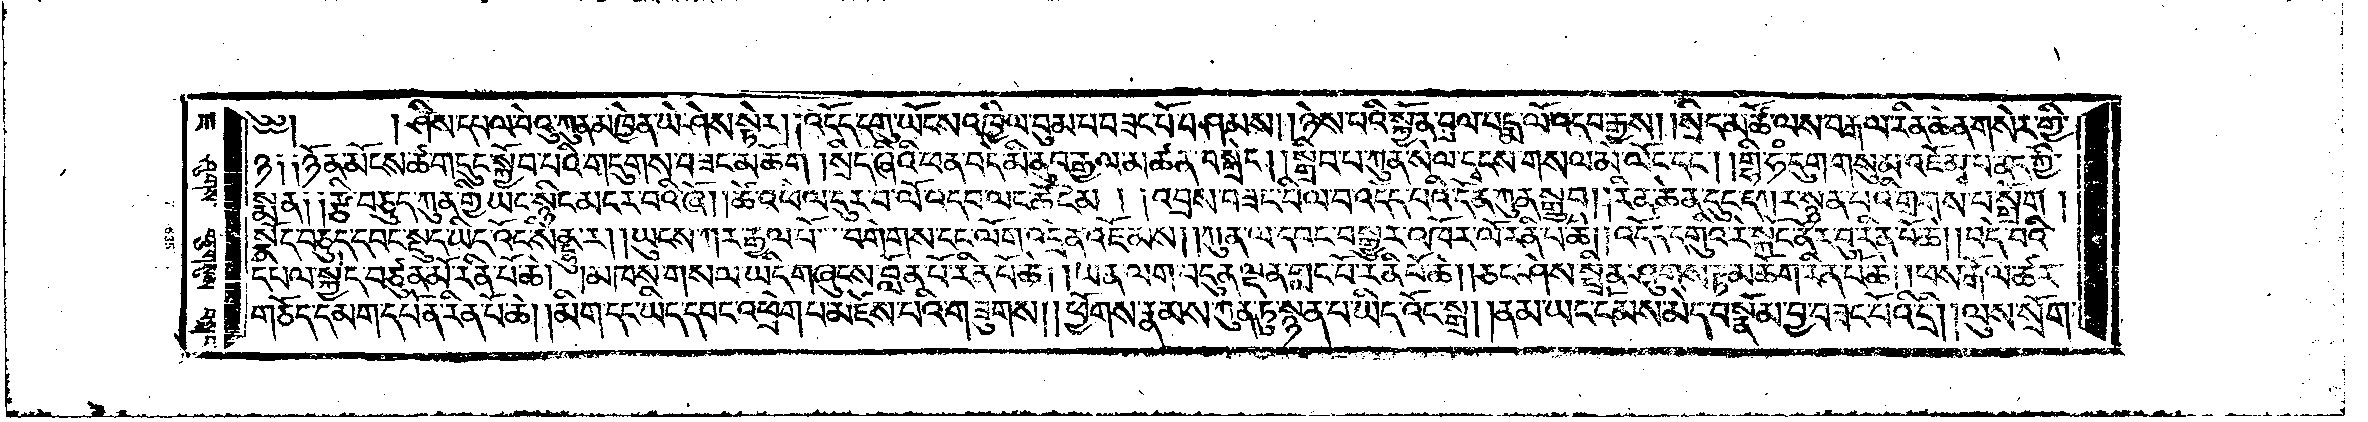༄༅། །ཤིས་དཔལ་བེའུ་ཀུན་མཁྱེན་ཡེ་ཤེས་སྟེར། །འདོད་དགུ་ཡོངས་འཁྱིལ་བུམ་པ་བཟང་པོ་བཤམས། །ཉེས་པའི་སྐྱོན་བྲལ་པདམ་ལོ་འདབ་རྒྱས། །སྲིད་མཚོ་ལས་བརྒལ་རིན་ཆེན་གསེར་གྱི་
ཉ༑ ༑ཉོན་མོངས་ཚ་གདུང་སྐྱོབ་པའི་གདུགས་བཟང་མཆོག །སྲིད་ཞིའི་ཕན་བདེ་མི་ནུབ་རྒྱལ་མཚན་བསྒྲེད། །སྒྲིབ་པ་ཀུན་སེལ་དྭངས་གསལ་མེ་ལོང་དང་། །གྷི་ཧཾ་དགུ་གསུམ་འཇོམས་པ་ནད་ཀྱི་
སྨན༑ ༑རྩི་བཅུད་ཀུན་གྱི་ཡང་སྙིང་མངར་བའི་ཞོ། །ཚེ་འཕེལ་དུར་བ་ལོ་འདབ་ལང་ཚོ་ངོམ། །འབྲས་བཟང་བིལ་བ་འདོད་པའི་དོན་ཀུན་སྒྲུབ། །རིན་ཆེན་དུང་དཀར་སྙན་པའི་གྲགས་པ་སྒྲོག །
སྣོད་བཅུད་དབང་སྡུད་ཡིད་འོང་སནྡྷུ་ར། །ཡུངས་ཀར་རྒྱལ་པོ་བགེགས་དང་ལོག་འདྲེན་འཇོམས། །ཀུན་ལ་དབང་བསྒྱུར་འཁོར་ལོ་རིན་པོ་ཆེ། །འདོད་དགུའི་རེ་སྐོང་ནོར་བུ་རིན་པོ་ཆེ། །བདེ་བའི་
དཔལ་སྐྱེད་བཙུན་མོ་རིན་པོ་ཆེ། །མཁས་གསལ་ཡིད་གཞུངས་བློན་པོ་རིན་པོ་ཆེ། །ཡན་ལག་བདུན་ལྡན་གླང་པོ་རིན་པོ་ཆེ། །ཅང་ཤེས་སྤྲིན་ཤུགས་རྟ་མཆོག་རིན་པོ་ཆེ། །ཕས་རྒོལ་ཚར་
གཅོད་དམག་དཔོན་རིན་པོ་ཆེ། །མིག་དང་ཡིད་དབང་འཕྲོག་པ་མཛེས་པའི་གཟུགས། །ཕྱོགས་རྣམས་ཀུན་ཏུ་སྙན་པ་ཡིད་འོང་སྒྲ། །ནམ་ཡང་ངོམས་མེད་བསྣོམ་བྱ་བཟང་པོའི་དྲི། །ལུས་སྲོག་